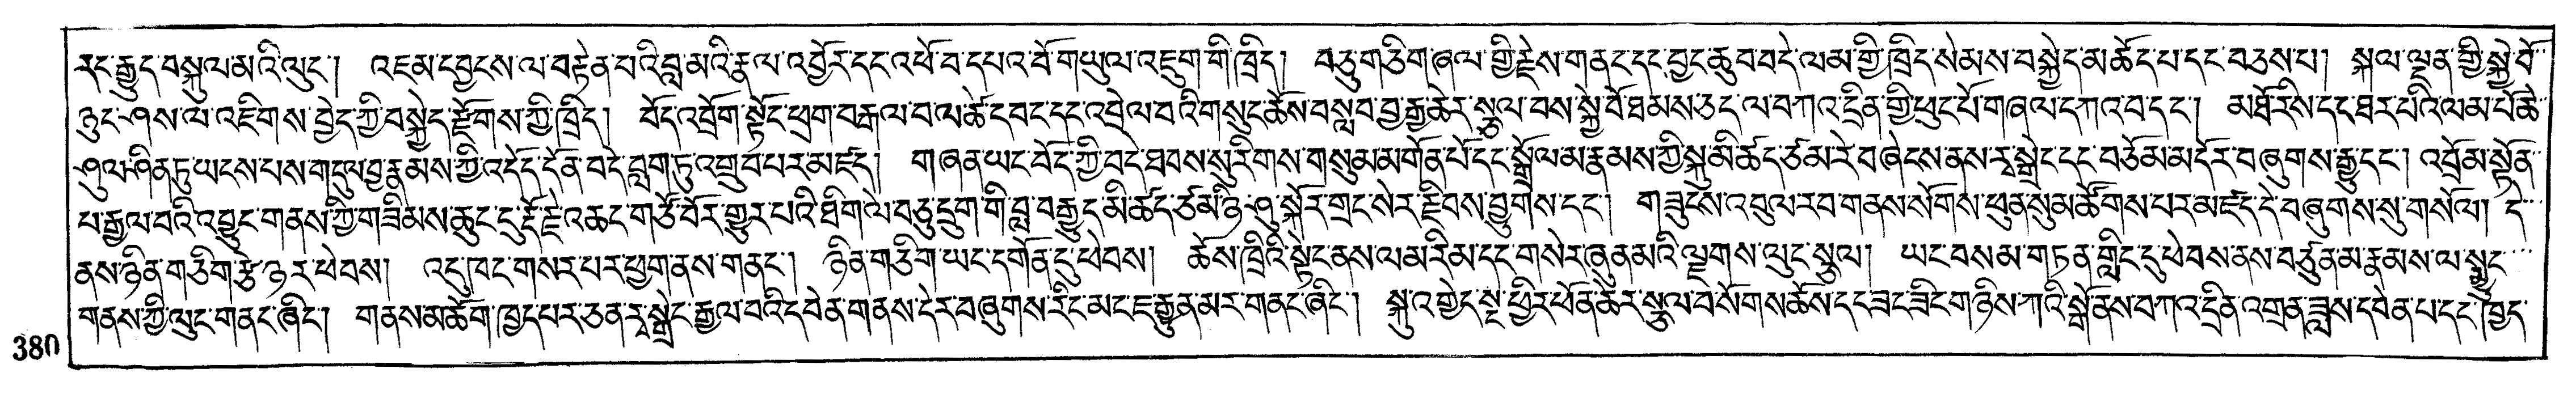རང་རྒྱུད་བསྐུལ་མའི་ལུང་། འཇམ་དབྱངས་ལ་བརྟེན་པའི་བླ་མའི་རྣལ་འབྱོར་དང་འཕོ་བ་དཔའ་བོ་གཡུལ་འཇུག་གི་ཁྲིད། བཅུ་གཅིག་ཞལ་གྱི་རྗེས་གནང་དང་བྱང་ཆུབ་བདེ་ལམ་གྱི་ཁྲིད་སེམས་བསྐྱེད་མཆོད་པ་དང་བཅས་པ། སྐལ་ལྡན་གྱི་སྐྱེ་བོ་
ཉུང་ཤས་ལ་འཇིགས་བྱེད་ཀྱི་བསྐྱེད་རྫོགས་ཀྱི་ཁྲིད། བོད་འབྲོག་སྟོང་ཕྲག་བརྒལ་བ་ལ་ཚེ་དབང་དང་འབྲེལ་བའི་གསུང་ཆོས་བསླབ་བྱ་རྒྱ་ཆེར་སྩལ་བས་སྐྱེ་བོ་ཐམས་ཅད་ལ་བཀའ་དྲིན་གྱི་ཕུང་པོ་གཞལ་དཀའ་བ་དང་། མཐོ་རིས་དང་ཐར་པའི་ལམ་པོ་ཆེ་
ཤུལ་ཤིན་ཏུ་ཡངས་པས་གདུལ་བྱ་རྣམས་ཀྱི་འདོད་དོན་བདེ་བླག་ཏུ་འགྲུབ་པར་མཛད། གཞན་ཡང་བོད་ཀྱི་བདེ་ཐབས་སུ་རིགས་གསུམ་མགོན་པོ་དང་སྒྲོལ་མ་རྣམས་ཀྱི་སྐུ་མི་ཚད་ཙམ་རེ་བཞེངས་ནས་རྭ་སྒྲེང་དང་བཅོམ་མདོར་བཞུགས་རྒྱུ་དང་། འབྲོམ་སྟོན་
པ་རྒྱལ་བའི་འབྱུང་གནས་ཀྱི་གཟིམས་ཆུང་དུ་རྡོ་རྗེ་འཆང་གཙོ་བོར་གྱུར་པའི་ཐིག་ལེ་བཅུ་དྲུག་གི་བླ་བརྒྱུད་མི་ཚད་ཙམ་ཉི་ཤུ་སྐོར་གྲང་སེར་རྗིབས་བྱུགས་དང་། གཟུངས་འབུལ་རབ་གནས་སོགས་ཕུན་སུམ་ཚོགས་པར་མཛད་དེ་བཞུགས་སུ་གསོལ། དེ་
ནས་ཉིན་གཅིག་རྩེ་ཉར་ཕེབས། འདུ་ཁང་གསར་པར་ཕྱག་ནས་གནང་། ཉིན་གཅིག་ཡང་དགོན་དུ་ཕེབས། ཆོས་ཁྲིའི་སྟེང་ནས་ལམ་རིམ་དང་གསེར་ཞུན་མའི་ལྗགས་ལུང་སྩལ། ཡང་བསམ་གཏན་གླིང་དུ་ཕེབས་ནས་བཙུན་མ་རྣམས་ལ་སྨྱུང་
གནས་ཀྱི་ལུང་གནང་ཞིང་། གནས་མཆོག་ཁྱད་པར་ཅན་རྭ་སྒྲེང་རྒྱལ་བའི་དབེན་གནས་དེར་བཞུགས་རིང་མང་ཇ་རྒྱུན་མར་གནང་གཞིང་། སྐུ་འགྱེད་སྔ་ཕྱིར་ཕོན་ཆེར་སྩལ་བ་སོགས་ཆོས་དང་ཟང་ཟིང་གཉིས་ཀའི་སྒོ་ནས་བཀའ་དྲིན་འགྲན་ཟླས་དབེན་པ་དང་ཁྱད་